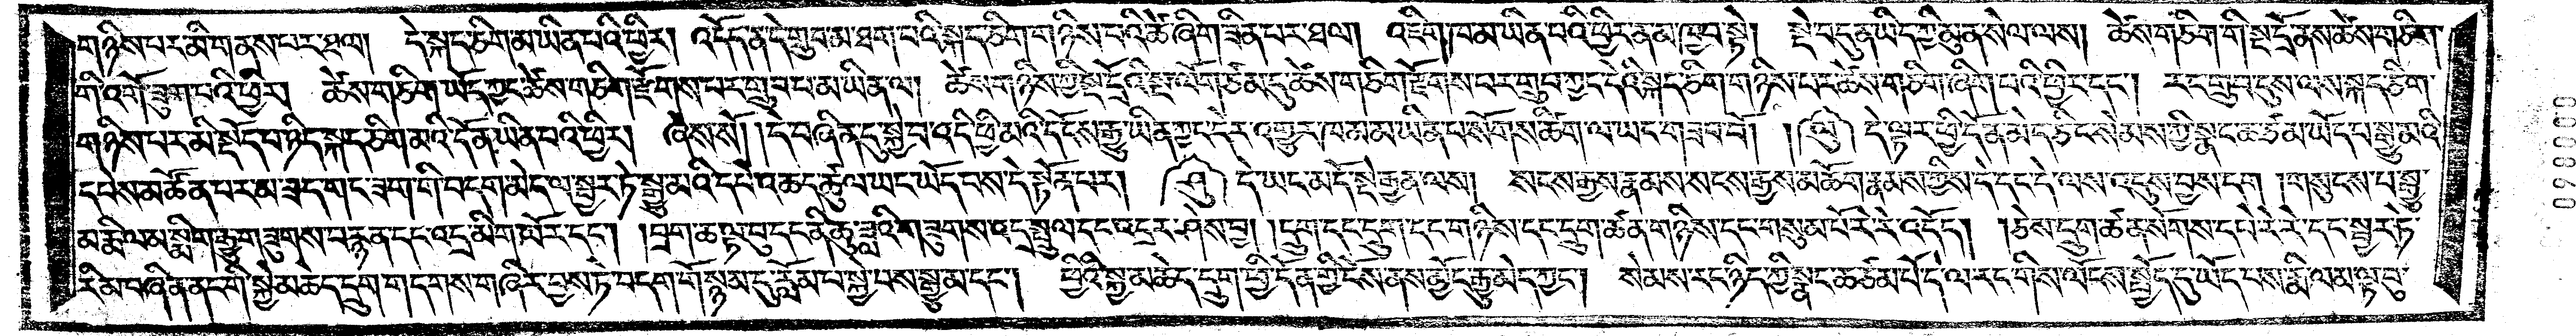གཉིས་པར་མི་གནས་པར་ཐལ། དེ་སྐད་ཅིག་མ་ཡིན་པའི་ཕྱིར། འདོད་ན་དེ་གྲུབ་མ་ཐག་པའི་སྐད་ཅིག་གཉིས་པའི་ཚེ་ཞིག་ཟིན་པར་ཐལ། འཇིག་ཁ་མ་ཡིན་པའི་ཕྱིར་ན་མ་ཁྱབ་སྟེ། སྡེ་བདུན་ཡིད་ཀྱི་མུན་སེལ་ལས། ཚེས་གཅིག་གི་སྔ་དྲོ་ནས་ཚེས་གཅིག་
གི་འགོ་ཟུག་པའི་ཕྱིར། ཚེས་གཅིག་ཡོད་ཀྱང་ཚེས་གཅིག་རྫོགས་པར་གྲུབ་པ་མ་ཡིན་ལ། ཚེས་གཉིས་ཀྱི་སྔ་དྲོའི་སྔ་ལོག་ཙམ་དུ་ཚེས་གཅིག་རྫོགས་པར་གྲུབ་ཀྱང་དེའི་སྐད་ཅིག་གཉིས་པར་ཚེས་གཅིག་ཞིག་པའི་ཕྱིར་དང་། རང་གྲུབ་དུས་ལས་སྐད་ཅིག་
གཉིས་པར་མི་སྡོད་པ་ཉིད་སྐད་ཅིག་མའི་དོན་ཡིན་པའི་ཕྱིར། ཞེས་སོ། །དེ་བཞིན་དུ་སྐྱེ་བ་འདི་ཕྱི་མའི་དངོས་རྒྱུ་ཡིན་ཀྱང་དེར་འགྱུར་ཁ་མ་ཡིན་པ་སོགས་ཚིག་ལ་ཡང་གཟབ་བོ། ། ༼ལུ༽ དེ་ལྟར་ཕྱི་དོན་མེད་ཅིང་སེམས་ཀྱི་སྣང་ཆ་ཙམ་ཡོད་པ་སྒྱུ་མའི་
དཔེས་མཚོན་པར་མ་ཟད་གང་ཟག་གི་བདག་མེད་ལ་སྦྱར་ཏེ་སྒྱུ་མའི་དཔེ་འཆད་ཚུལ་ཡང་ཡོད་པས་དེ་སྟོན་པར། ༼ཤུ༽ དེ་ཡང་མདོ་སྡེ་རྒྱན་ལས། སངས་རྒྱས་རྣམས་སངས་རྒྱས་མཆོག་རྣམས་ཀྱིས་དེ་དང་དེ་ལས་འདུས་བྱས་དག །གསུངས་པ་སྒྱུ་
མ་རྨི་ལམ་སྨིག་རྒྱུ་གཟུགས་བརྙན་དང་འདྲ་མིག་ཡོར་དང་། །བྲག་ཆ་ལྟ་བུ་དང་ནི་ཆུ་ཟླའི་གཟུགས་འདྲ་སྤྲུལ་དང་འདྲར་ཤེས་བྱ། །དྲུག་དང་དྲུག་དང་གཉིས་དང་དྲུག་ཚན་གཉིས་དང་གསུམ་པོ་རེ་རེ་འདོད། །ཅེས་དྲུག་ཚན་སོགས་དཔེ་རེ་རེ་དང་སྦྱར་ཏེ་
རིམ་བཞིན་ནང་གི་སྐྱེ་མཆེད་དྲུག་གདགས་གཞིར་བྱས་ཏེ་བདག་གོ་སྙམ་དུ་རློམ་པ་སྐྱེ་བས་སྒྱུ་མ་དང་། ཕྱིའི་སྐྱེ་མཆེད་དྲུག་ཕྱི་དོན་གྱི་ངོས་ནས་མྱོང་རྒྱུ་མེད་ཀྱང་། སེམས་རང་ཉིད་ཀྱི་སྣང་ཆ་ཙམ་པོ་དེ་ལ་རང་གིས་ལོངས་སྤྱོད་དུ་ཡོད་པས་རྨི་ལམ་ལྟ་བུ་